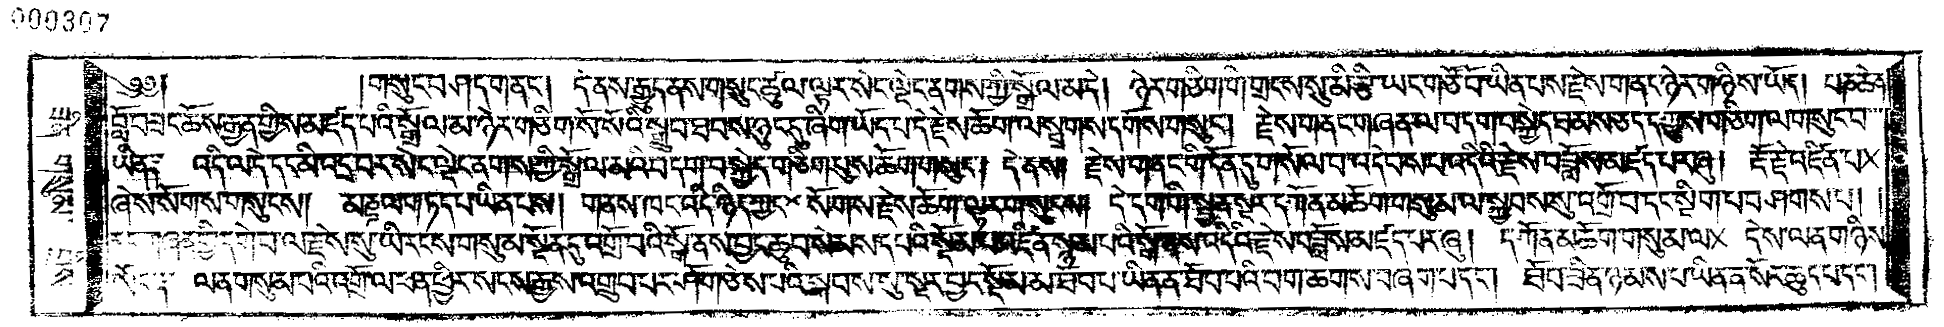༄༅། །གསུང་བཤད་གནང་། དེ་ནས་རྒྱུད་ནས་གསུང་ཚུལ་ལྟར་སེང་ལྡེང་ནགས་ཀྱི་སྒྲོལ་མ་དེ། ཉེར་གཅིག་གི་གྲངས་སུ་མི་རྩི་ཡང་གཙོ་བོ་ཡིན་པས་རྗེས་གནང་ཉེར་གཉིས་ཡོད། པཎ་ཆེན་
བློ་བཟང་ཆོས་རྒྱན་གྱིས་མཛད་པའི་སྒྲོལ་མ་ཉེར་གཅིག་སོ་སོའི་སྒྲུབ་ཐབས་ཉུང་དུ་ཞིག་ཡོད་པ་དེ་རྗེས་ཆོག་ལ་སྦྲགས་དགོས་གསུང་། རྗེས་གནང་གཞན་ལ་བདག་བསྐྱེད་ཐམས་ཅད་དཀྱུས་གཅིག་ལ་གསུང་པ་
ཡིན༑ འདི་ལ་དེ་དང་མི་འདྲ་བར་སེང་ལྡེང་ནགས་ཀྱི་སྒྲོལ་མའི་བདག་བསྐྱེད་གཅིག་པུས་ཆོག་གསུང་། དེ་ནས། རྗེས་གནང་གི་དོན་དུ་གསོལ་བ་འདེབས་པ་འདིའི་རྗེས་བཟློས་མཛད་པར་ཞུ། རྡོ་རྗེ་འཛིན་པ་྾་
ཞེས་སོགས་གསུངས། མཎྜལ་གཏད་པ་ཡིན་པས། གནས་ཁང་འདི་ཉིད་ཀྱང་྾་སོགས་རྗེས་ཆོག་ལྟར་གསུངས། དེ་དག་གི་སྤྱན་སྔར་དཀོན་མཆོག་གསུམ་ལ་སྐྱབས་སུ་འགྲོ་བ་དང་སྡིག་པ་བཤགས་པ། །
རང་གཞན་གྱི་དགེ་བ་ལ་རྗེས་སུ་ཡི་རངས་གསུམ་སྔོན་དུ་འགྲོ་བའི་སྒོ་ནས་བྱང་ཆུབ་སེམས་དཔའི་སྡོམ་པ་འཛིན་སྙམ་པའི་སྒོ་ནས་འདིའི་རྗེས་བཟློས་མཛད་པར་ཞུ། དཀོན་མཆོག་གསུམ་ལ་྾་དེས་ལན་གཉིས་
སོང༑ ལན་གསུམ་པའི་འགྲོ་ལ་ཕན་ཕྱིར་སངས་རྒྱས་འགྲུབ་པར་ཤོག་ཅེས་པའི་སྐབས་སུ་སྔར་བྱང་སྡོམ་མ་ཐོབ་པ་ཡིན་ན་ཐོབ་པའི་བག་ཆགས་བཞག་པ་དང་། ཐོབ་ཟིན་ཉམས་པ་ཡིན་ན་སོར་ཆུད་པ་དང་།